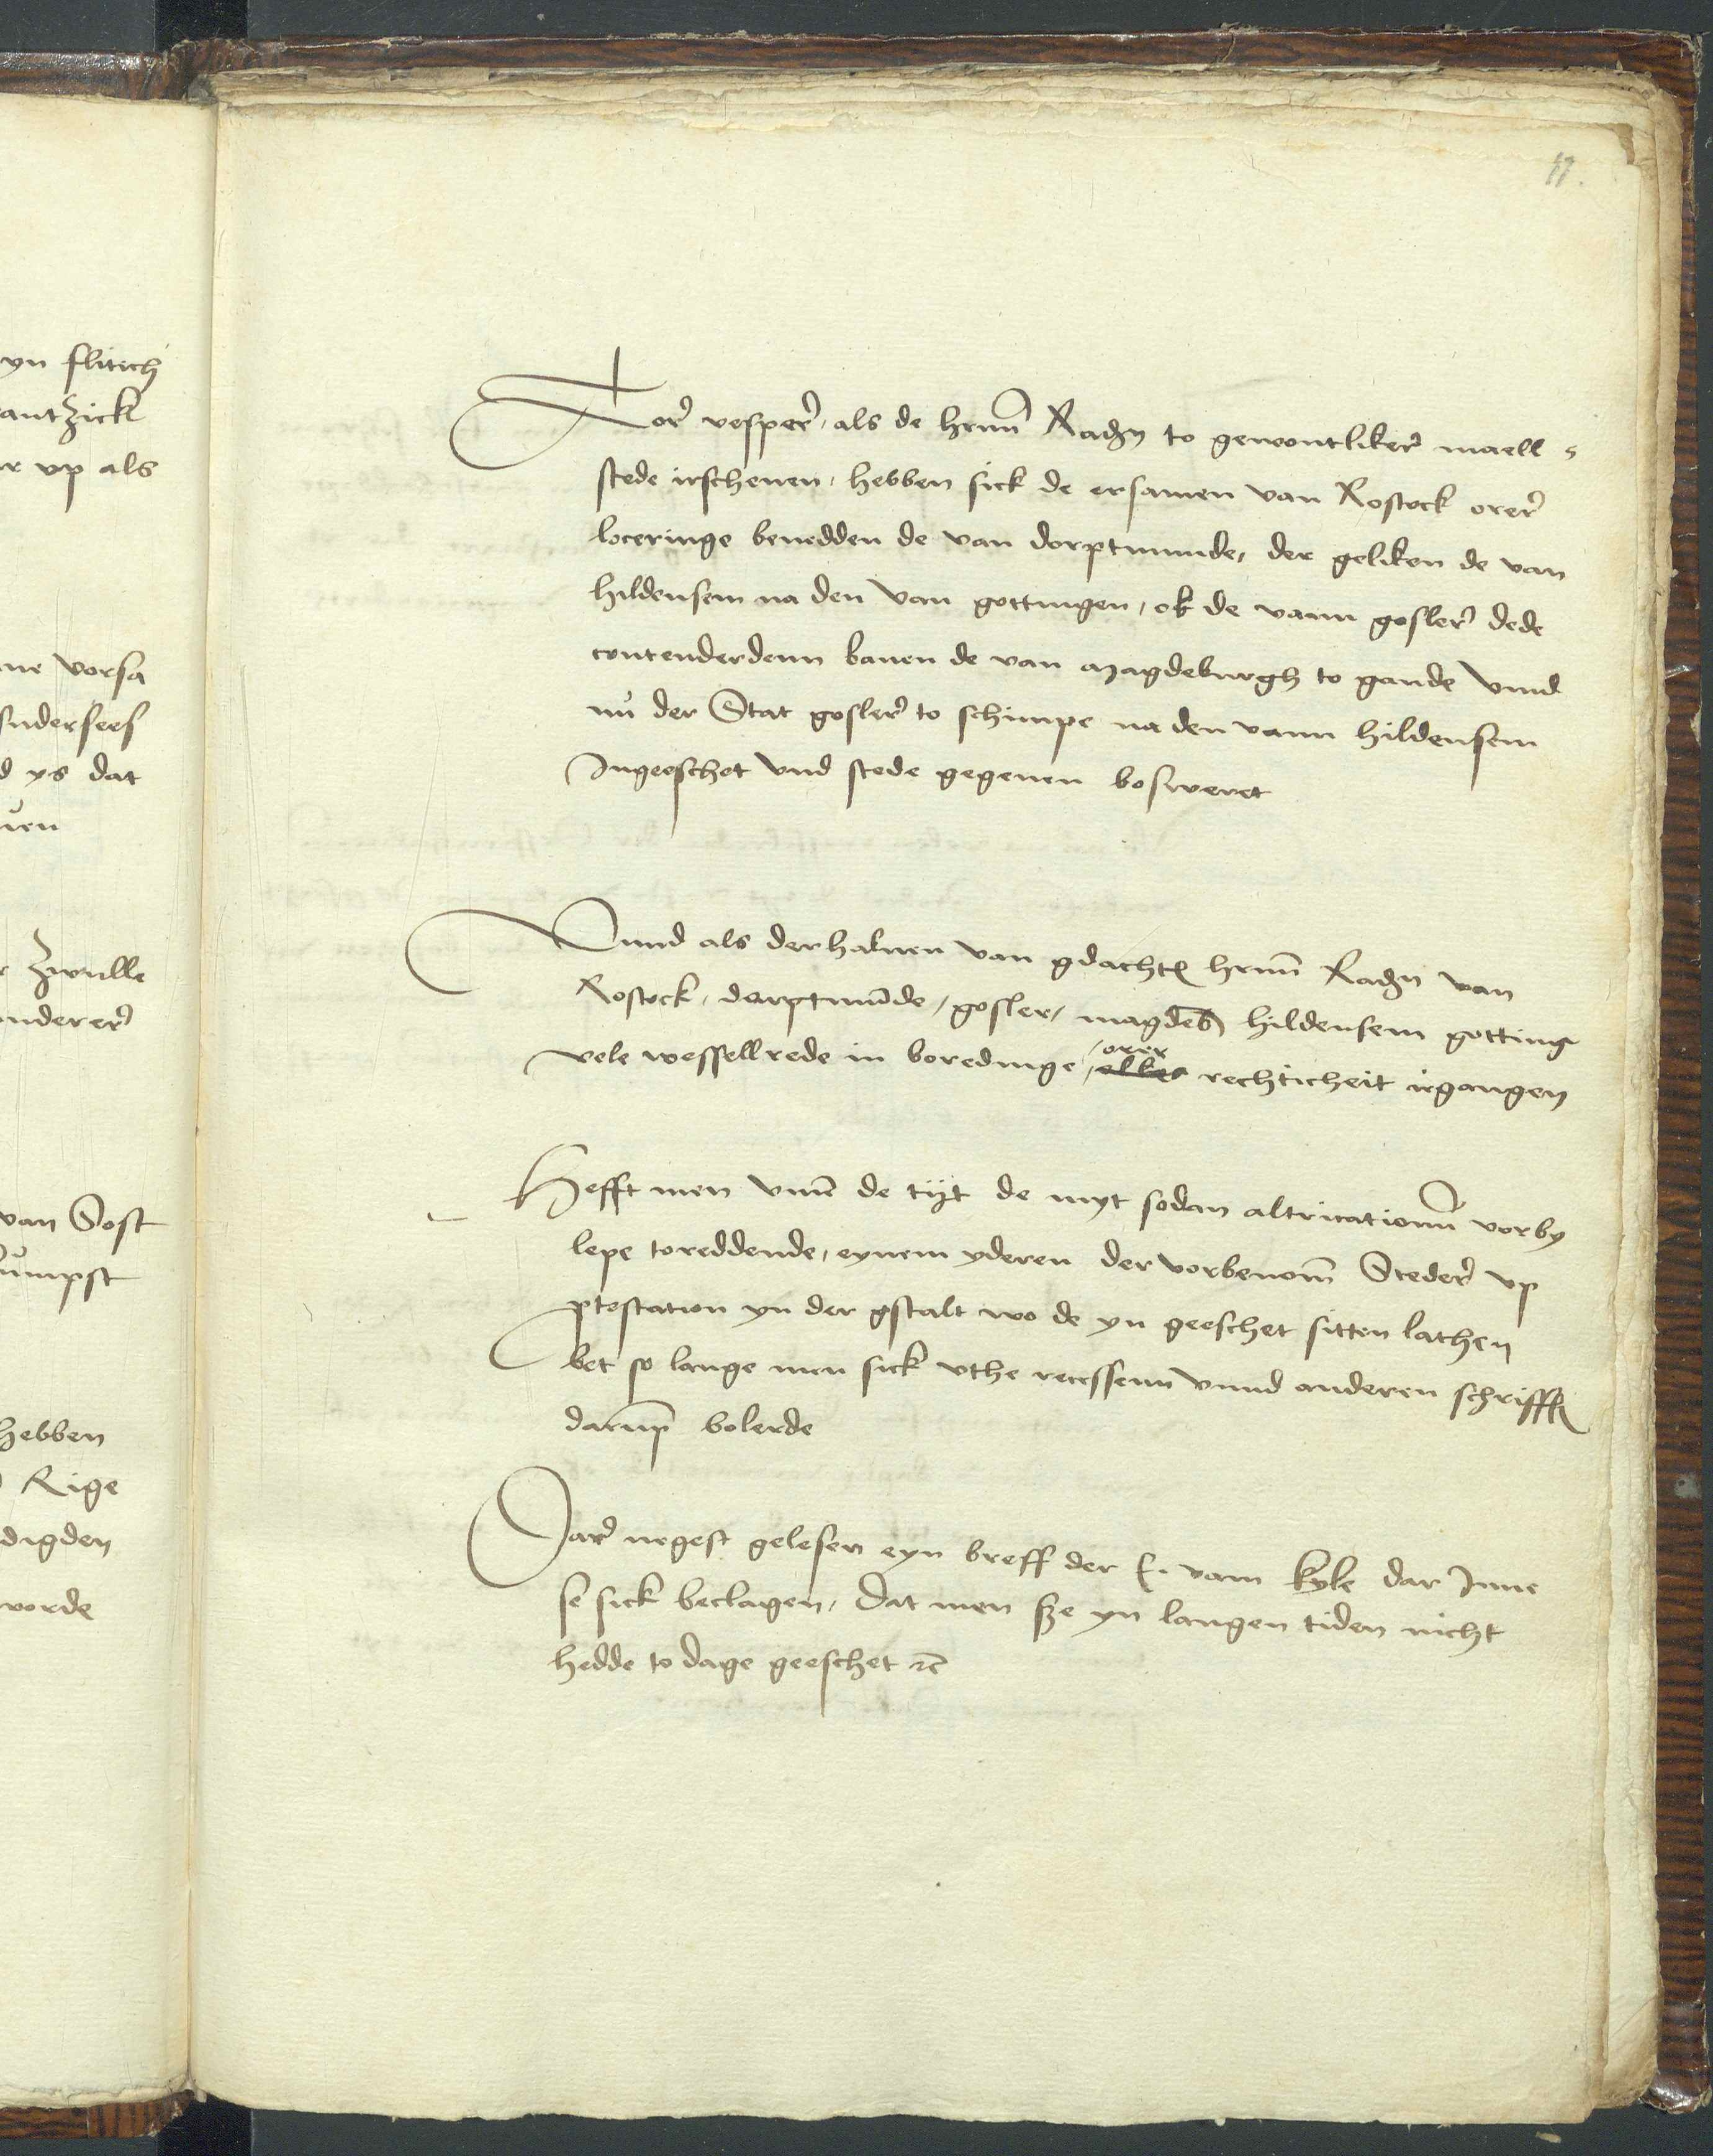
Tor vesper, als de hernn Radessendebaden to gewontliker maell¬
stede irschenen, hebben sich die ersamen van Rostock orer
loceringe benedden de van dortmunde, der geliken de van
hildensem na den van gottingen, ok de vann gosler dede
contenderdenn bauen de van magdeburgh to gande vnnd
nu der Stat gosler to schimpe na den vann Hildensem
Jngeeschet vnd stede gegeuen bosweret
Vnnd als derhaluen van gdachte hernn Radessendebaden van
Rostock, Dorptmunde, gosler, magdeburg, Hildesem gottingen
vele wessellrede in boredinge, orer aller rechticheit irgangen
Hefft men vmme de tijt de myt sodan altricationn vorby¬
lepe toreddende, eynem yederen der vorbenomden Stede vp
protestation yn der gstalt wo de yn geescht sitten lathen
bet so lange men sick vthe recessenn vnnd anderen schrifften
darup bolerde
Dar negest gelesen eyn breff der E. vam Kyle dar Jnne
se sich beclagen, dat men sze yn langen tiden nicht
hedde to dage geeschet etc
